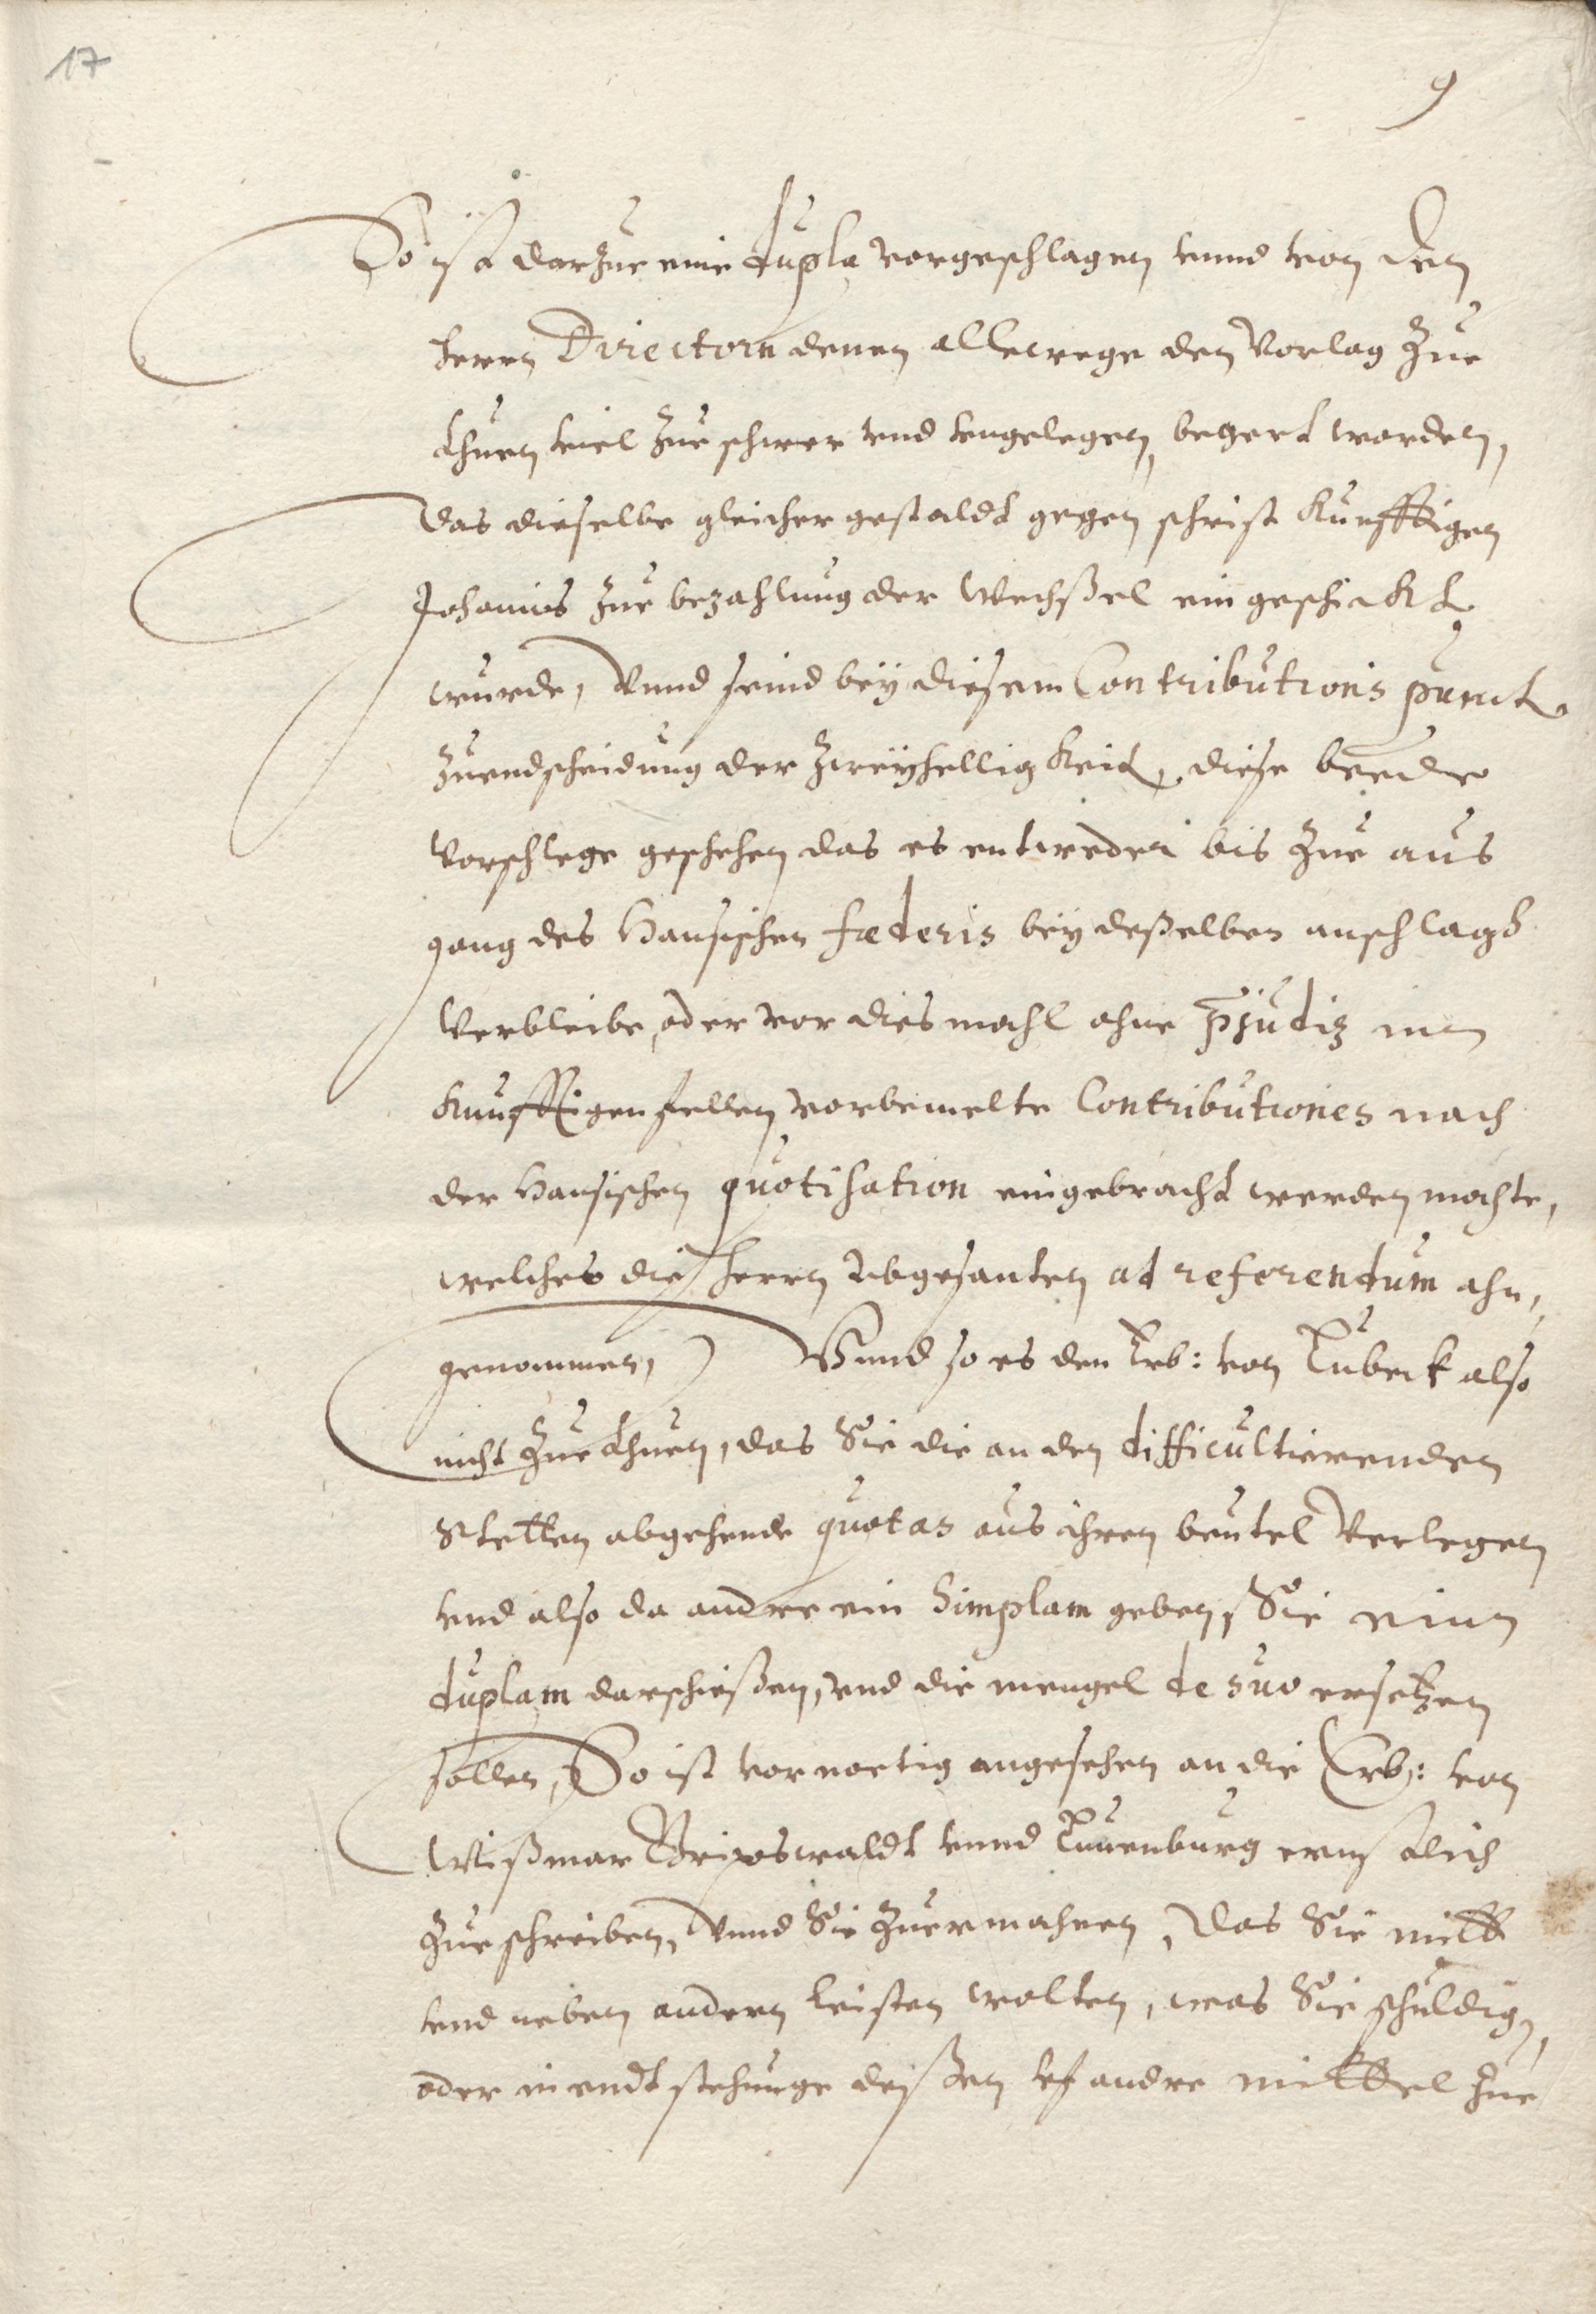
9
So ist darzue eine dupla vorgeschlagen vnnd von den
herrn Directorn denen allewege den vorlag zue
thuen viel zue schwer vnd vngelegen, begert worden,
das dieselbe gleicher gestaldt gegen schrift kunfftigen
Johannis zur bezahlung der Wechßel eingeschickt
wurde, Vnnd seind beij diesen Contributions puncten
zuendscheidung der zweijhelligkeit, diese beede
vorschlege geschehen das es entweder bis zue aus¬
gang des Hansischen foederis beij deßelben anschlagh
verbleibe, oder vor diesmahl ohne prejudiz inn
kunfftigen fellen vorbemelte Contributiones nach
der Hansischen quotisation eingebracht werden mochte,
welches die herrn Abgesanten ad referendum ahn¬
genommen, Vnnd so es den Erb: von Lubeck also
nicht zue thuen, das Sie die an den difficultirenden
Stetten abgehende quotas aus ihren beutel verlegen
und also da andre ein Simplam geben sSie einen
duplam darschießen, und die mengel de suo ersetzen
sollen, So ist vor noetig angesehen an die Erb: von
Wißmar Gripswaldt vnnd Lunenburg ernstlich
zueschreiben, vnnd Sie zuermahnen, das Sie mitt
vnd neben andern leisten wolten, was Sie schuldig,
oder in endtstehunge deßen vf andre mittel zue
